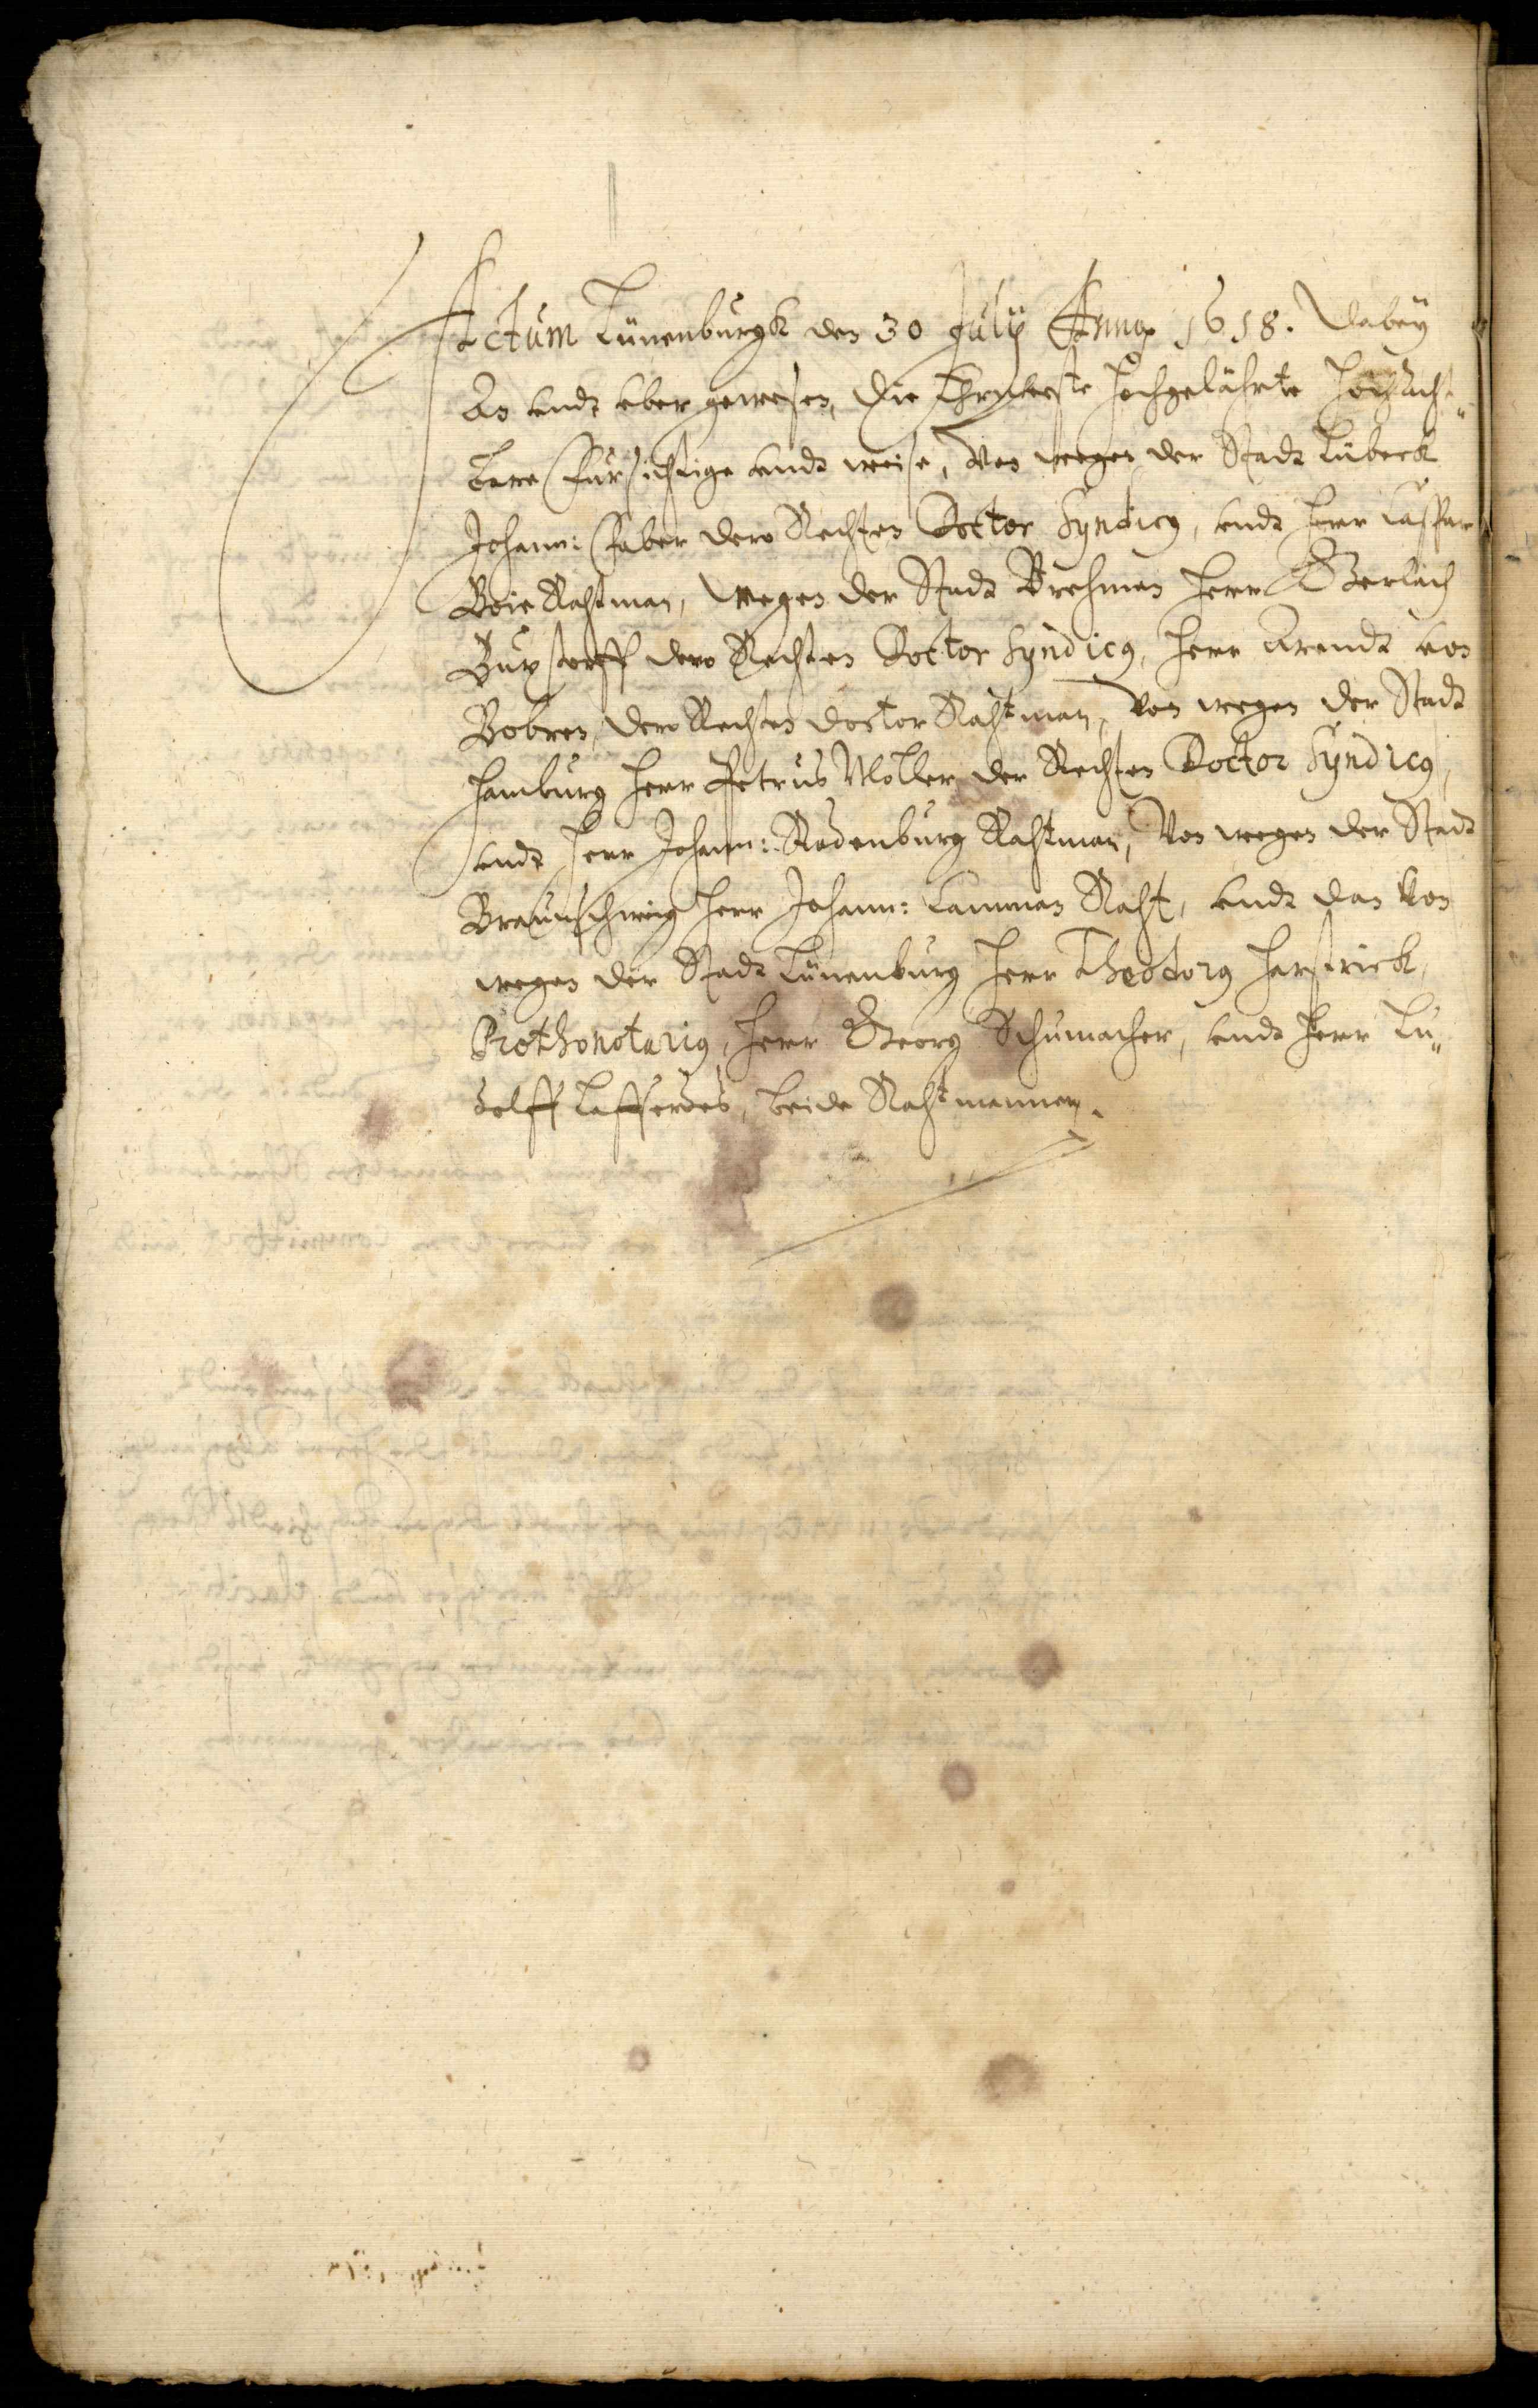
actum Lünenburgk den 30 Julij anno p 1618. Dabeij
An vndt vber gewesen, die Ehrnveste hochgelährte hochacht¬
bare Fursichtige vndt weise, von wegen der Stadt Lübeck
Johann: Faber dero Rechten Doctor Syndicus, vndt herr Caspar
Boie Rahtman, wegen der Stadt Brehmen Herr Gerlach
Buxstorff dero Rechten Doctor Syndicus, Herr Arendt von
Bobren, dero Rechten Doctor Rahtman, von wegen der Stadt
Hamburg Herr Petrus Moller der Rechten Doctor Syndicus,
vndt Herr Johann: Radenburg Rahtman, von wegen der Stadt
Braunschweig Herr Johann: Camman Raht, vndt dan von
wegen der Stadt Lünenburg Herr Theodorus Harstrick,
Prothonotarius, Herr Georg Schumacher, vndt Herr Lu¬
dolff Lafferdes, beide Rahtmannen,
